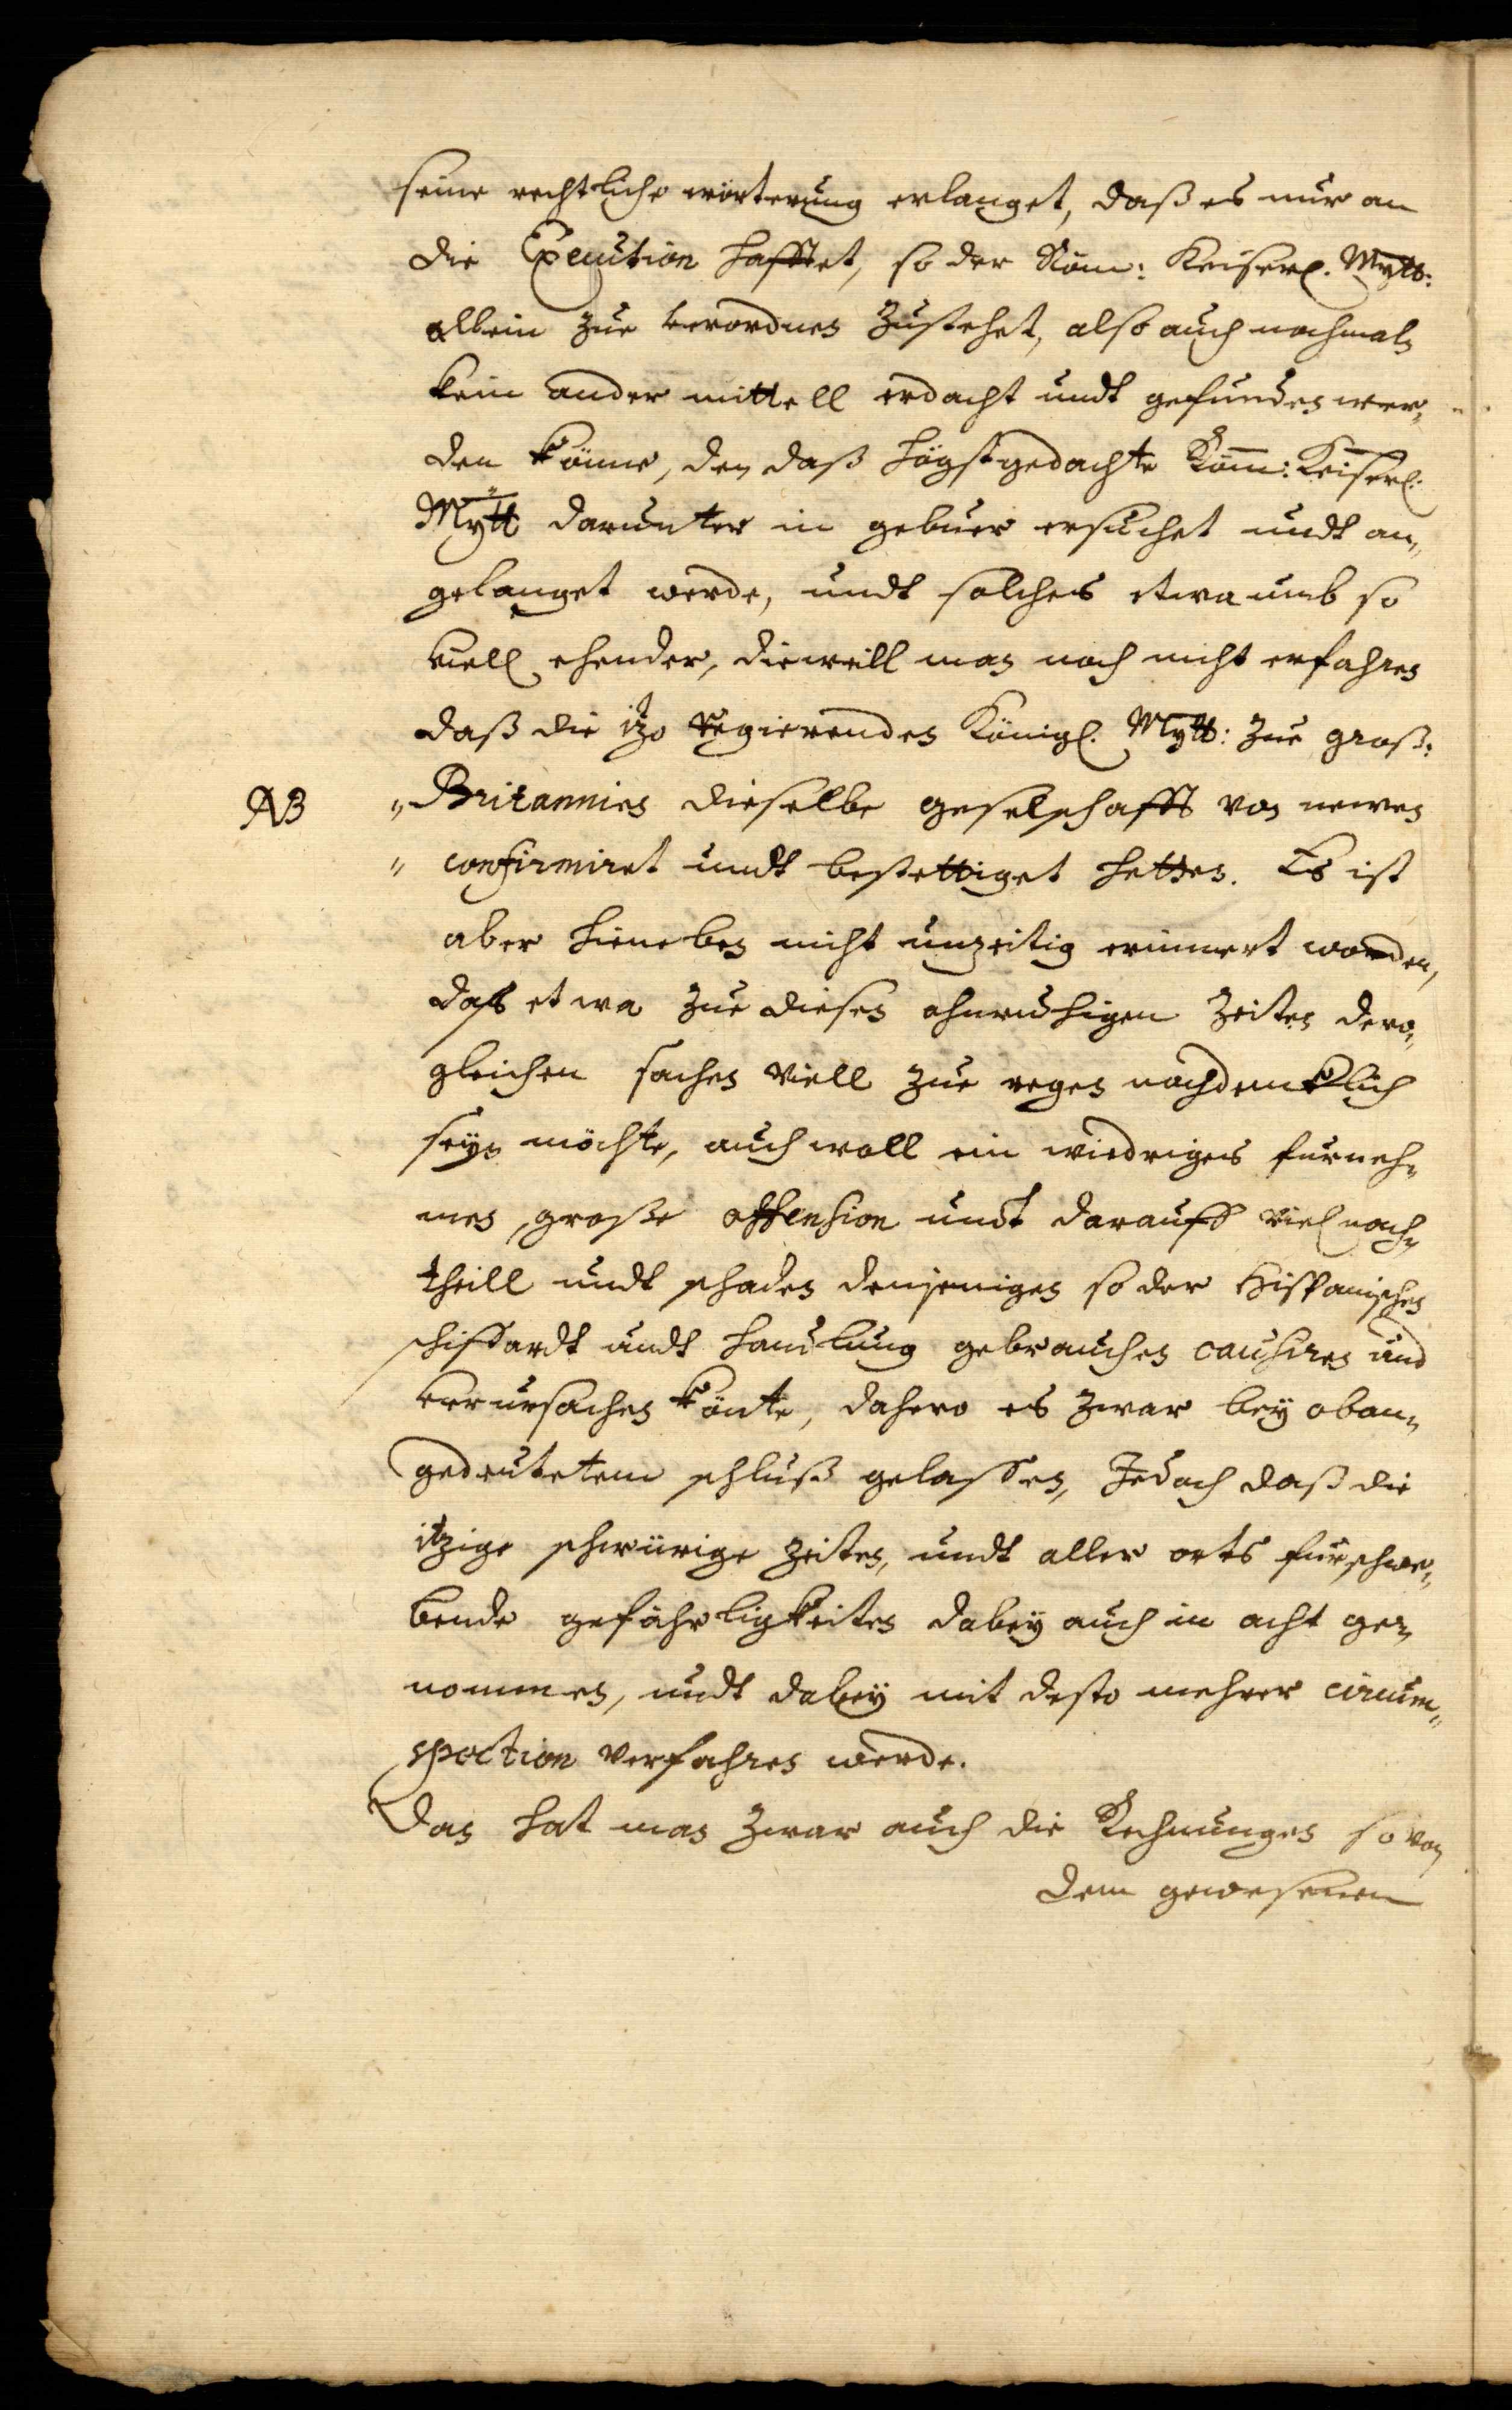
AB
seine rechtliche erörterung erlanget, daß es nur an
die Execution hafftet, so der Röm: Keiserl. Mytt:
allein zue verordnen zustehet, also auch nochmaln
kein ander mittell erdacht undt gefunden wer¬
den könne, den daß högstgedachte Röm: Keiserl:
Mijtt darunter in gebuer ersuchet undt an¬
gelanget werde, undt solches etwa umb so
viell ehender, dieweill man noch nicht erfahren
daß die itzo Regierenden Königl. Mytt: zue groß¬
Britannien dieselbe geselschafft von newen
confirmiret undt bestettiget hetten. Es ist
aber hieneben nicht unzeitig erinnert worden,
daß etwa zue diesen ohnruhigen zeiten dero¬
gleichen sachen viell zue regen nachdencklich
seijn möchte, auch woll ein wiedriges furneh¬
men, große offension undt darauff viel nach¬
theill undt schaden denjenigen so der Hispanischen
schiffardt undt handlung gebrauchen causiren und
verursachen könte, dahero es zwar beij oban¬
gedeutetem schluß gelassen, Iedoch daß die
itzige schwürige zeiten, undt aller orts furschwe¬
bende gefährligkeiten dabeij auch in acht ge¬
nommen, undt dabeij mit desto mehrer circum¬
spection verfahren werde.
Dan hat man Zwar auch die Rechnungen so von
dem gewesenen
